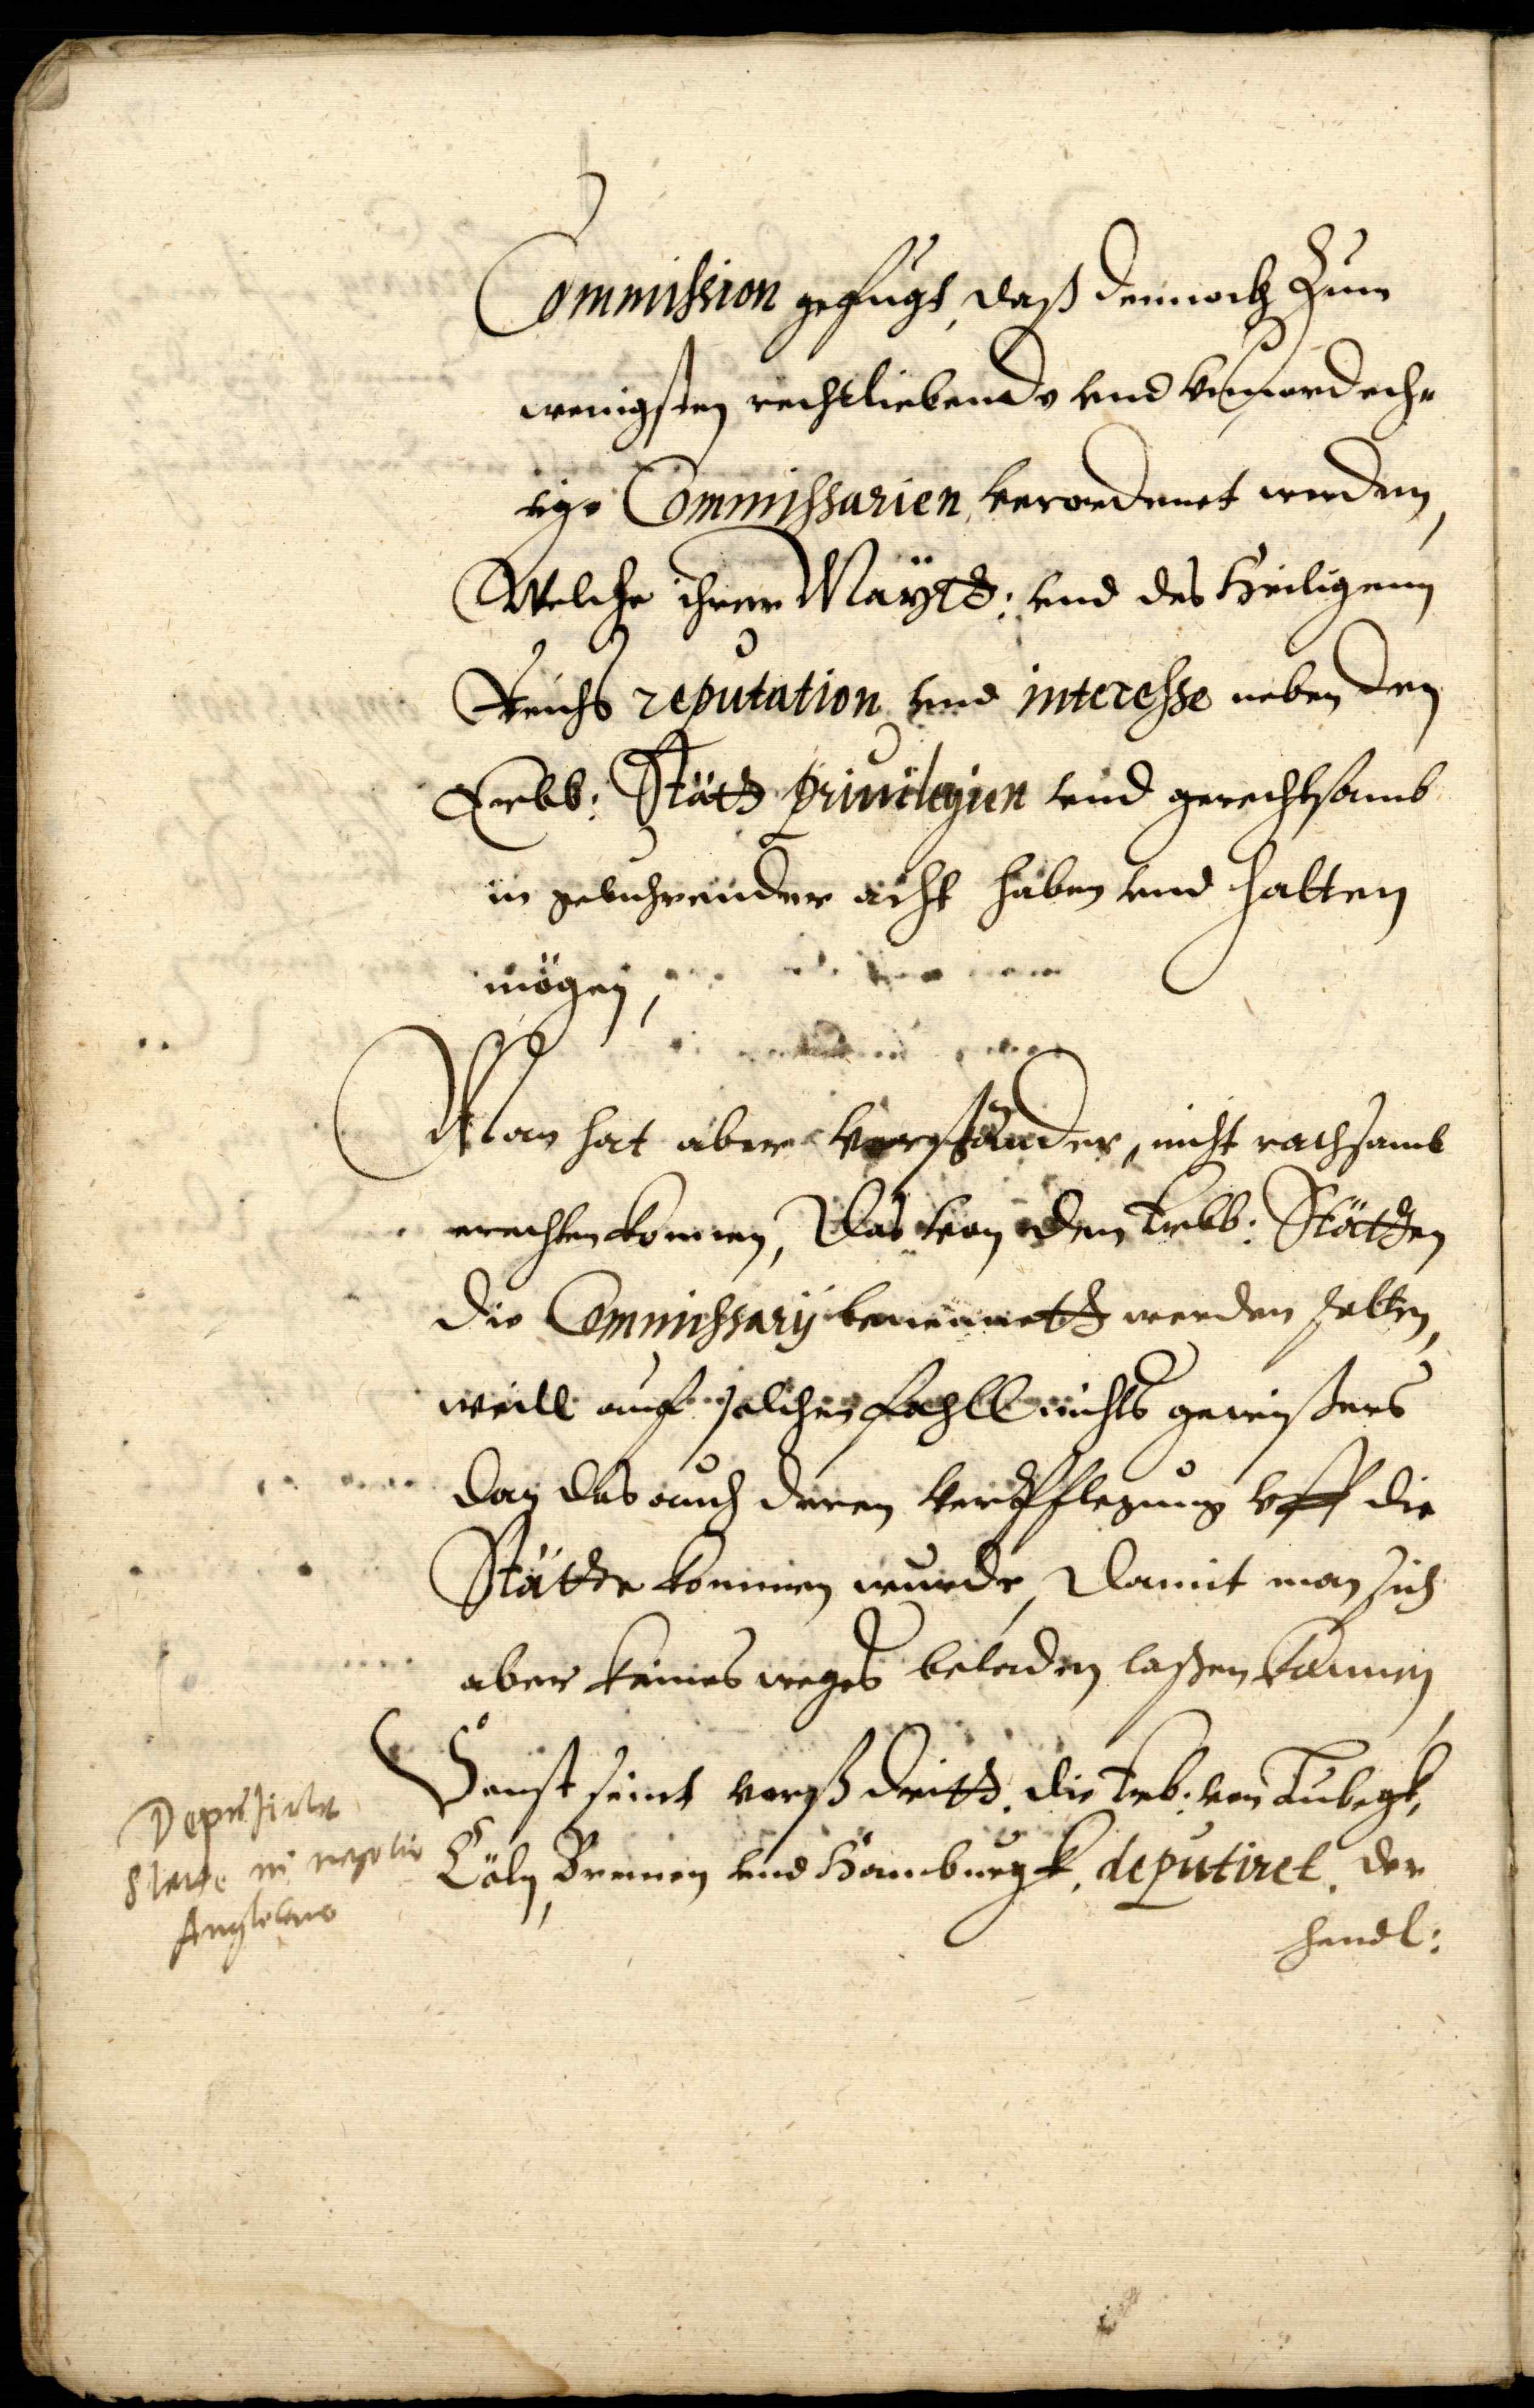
Commission gefugt, daß dennoch zum
wenigsten rechtliebende vnd vnuerdech¬
tige Commissarien verordenet werden,
Welche ihrer Maijtt: vnd des Heiligenn
Reichs reputation vnd interesse neben den
Erbb: Stätt priuilegien vnd gerechtsamb
in gebuhrender acht haben vnd halten
mögen,
Man hat aber verständer, nicht rathsamb
erachten konnen, das von den Erbb: Stätten
die Commissarij benenneth werden solten,
weill auf solchen fahll nichts gewißers
dan das auch deren verpflegung vff die
Stätte kommen wurde, damit man sich
aber keines weges beladen laßen konnen,
Sonst seint vorß dritt die Erb: von Lubegk,
Cöln, Bremen vnd Hamburgk, deputiret, der
handl:
Deputirte
Stette in negotio
Anglicano
